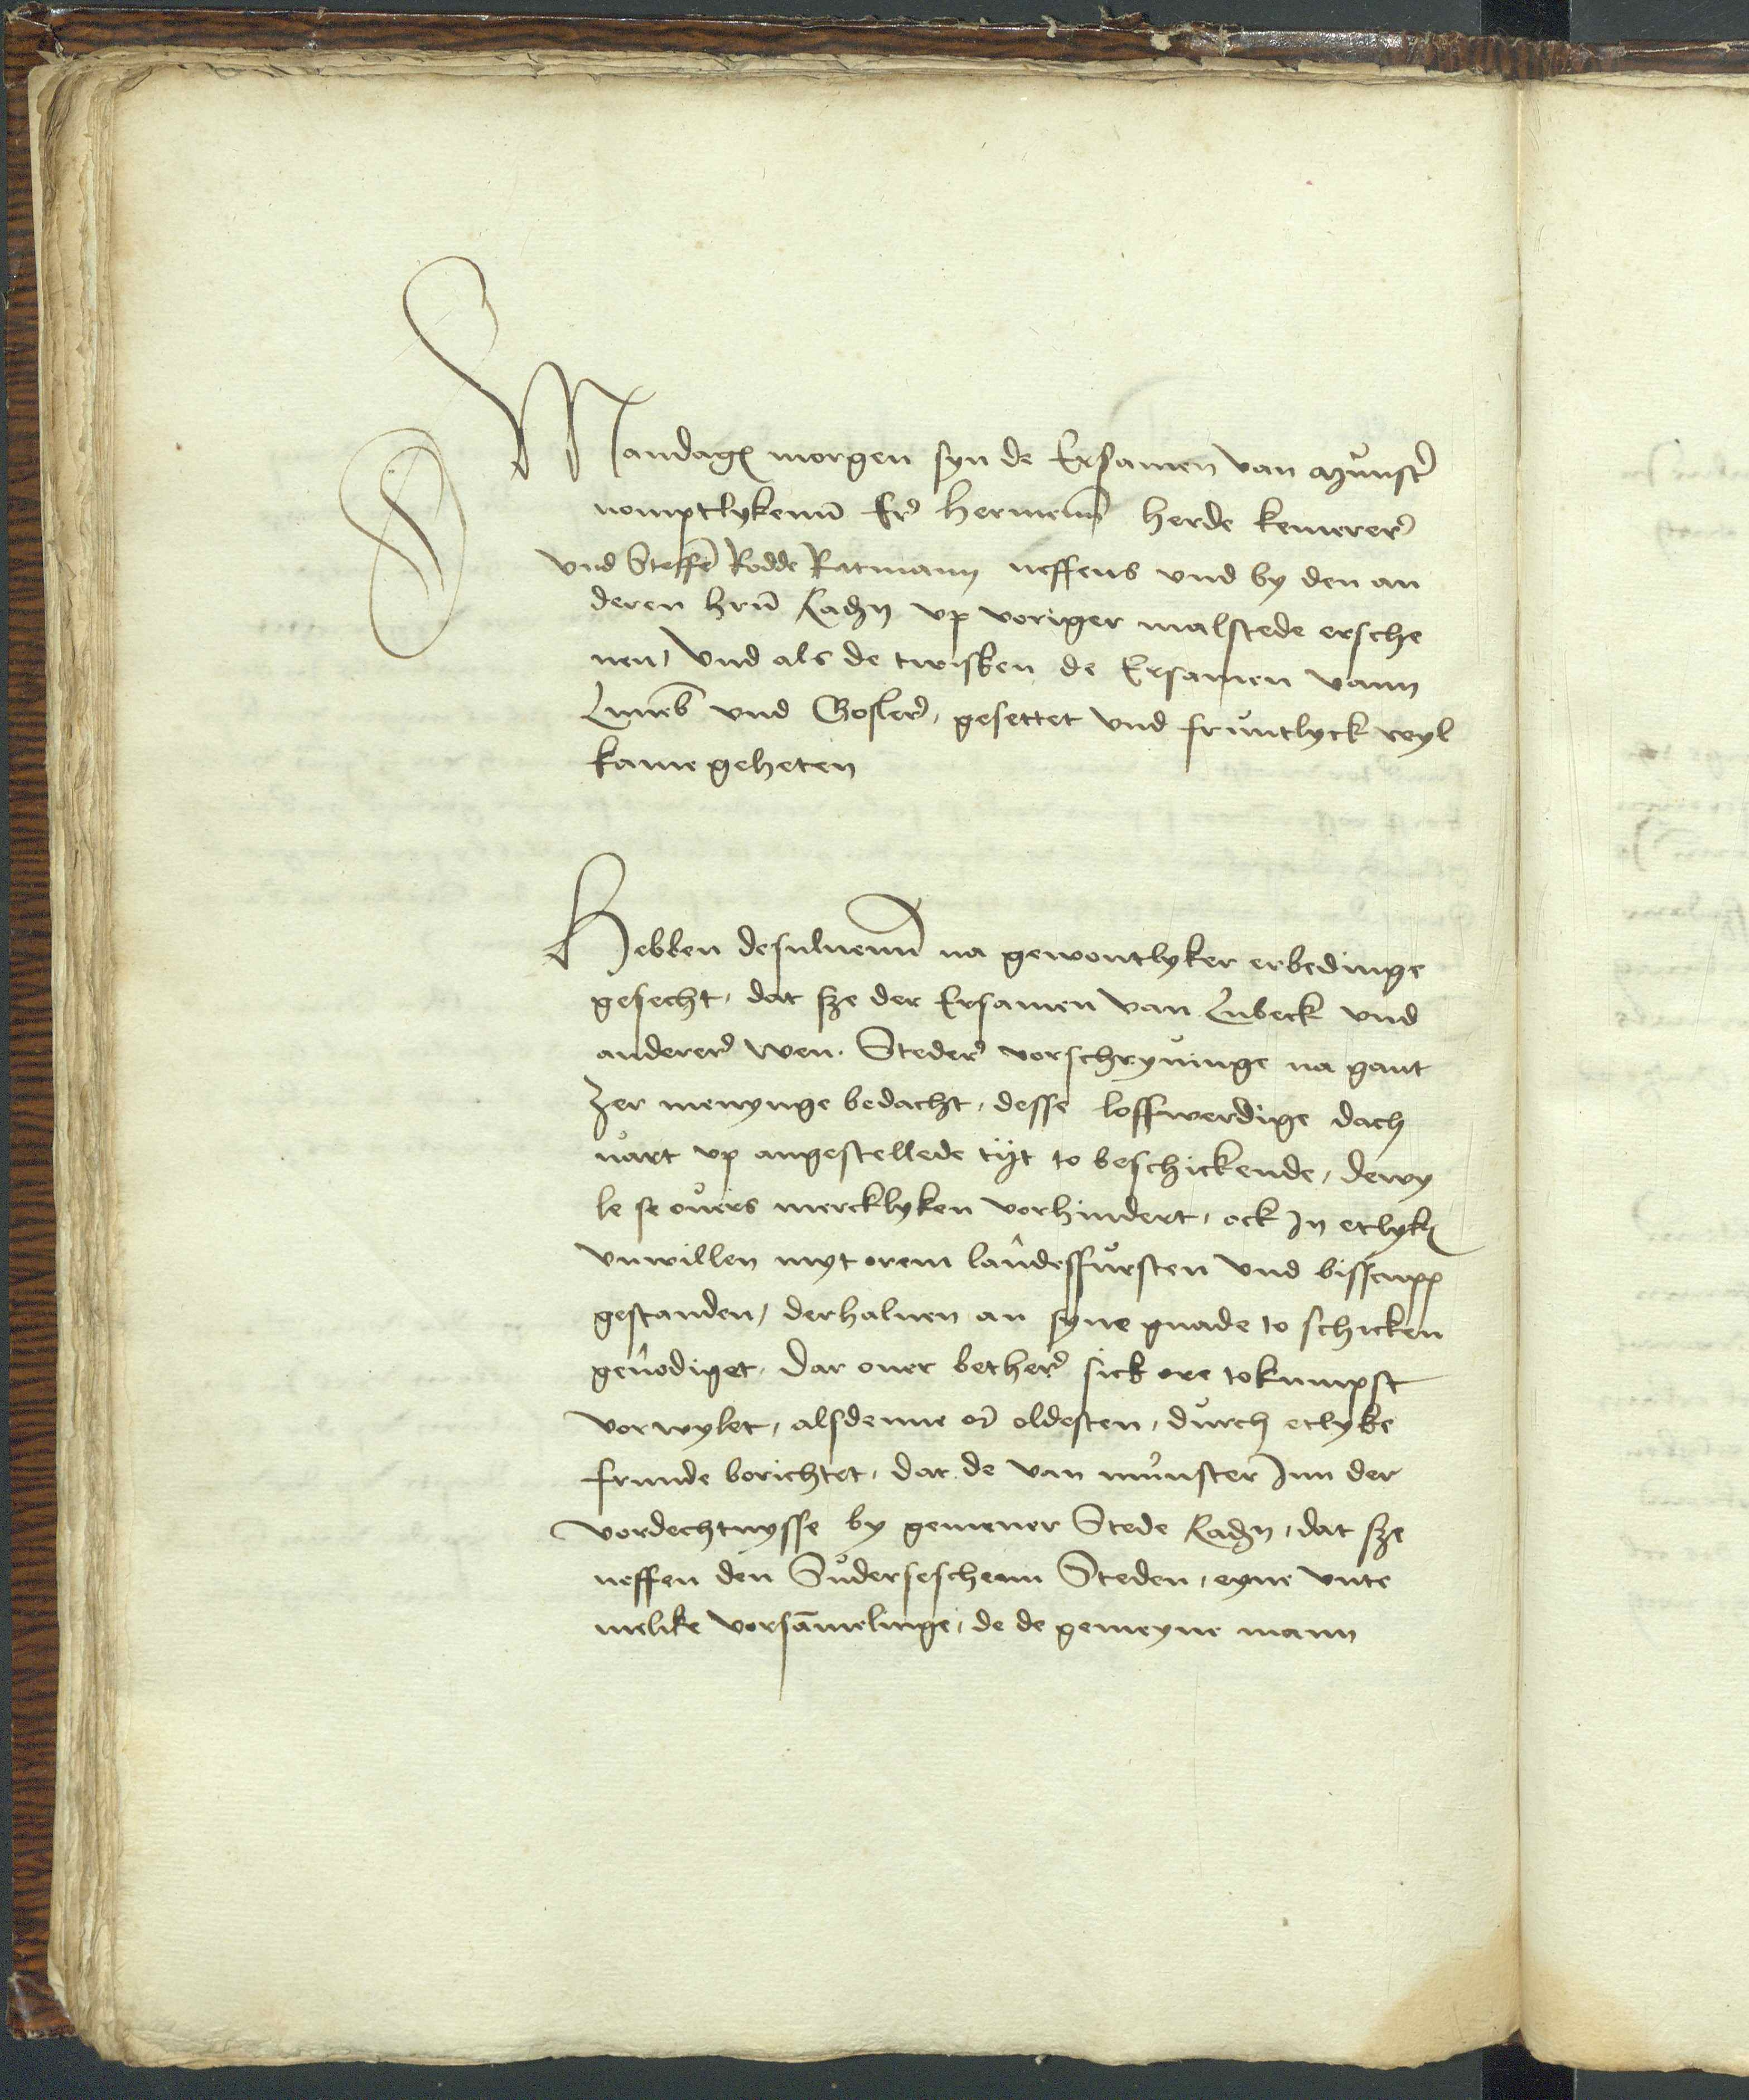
Mandage morgen syn de Ersamen van munster
nomptlykenn Er hermenn herde kemerer
vnd Steffen Rodde Ratmann neffens vnd by den an¬
deren hern Radessendebaden vp voriger malstede ersche¬
nen, vnd als de twisken de Ersamen vann
Luneburg vnd Gosler, gesettet vnd fruntlyck wyl¬
kame geheten
Hebben desuluenn na gewontlyker erbedinge
gesecht, dat sze der Ersamen van Lubeck vnd
anderer wen. Steder vorschryuinge na gant¬
zer menynge bedacht, desse loffwerdige dach¬
uart vp angestellede tijt to beschickende, dewy¬
le se ouers mercklyken vorhindert, ock Jn etlyken
vnwillen myt orem landesfursten vnd bisscupp
gestanden, derhaluen an syne gnade to schicken
genodiget, dar ouer bether sick ore tokumpst
vorwylet, alsdenne ore oldesten, durch etlyke
frunde borichtet, dat de van munster Jnn der
vordechtnysse by gemeyner Stede Radessendebaden, dat sze
neffen den Suderseschenn Steden, eyne vnte¬
melike vorsammelinge, de de gemeyne mann
